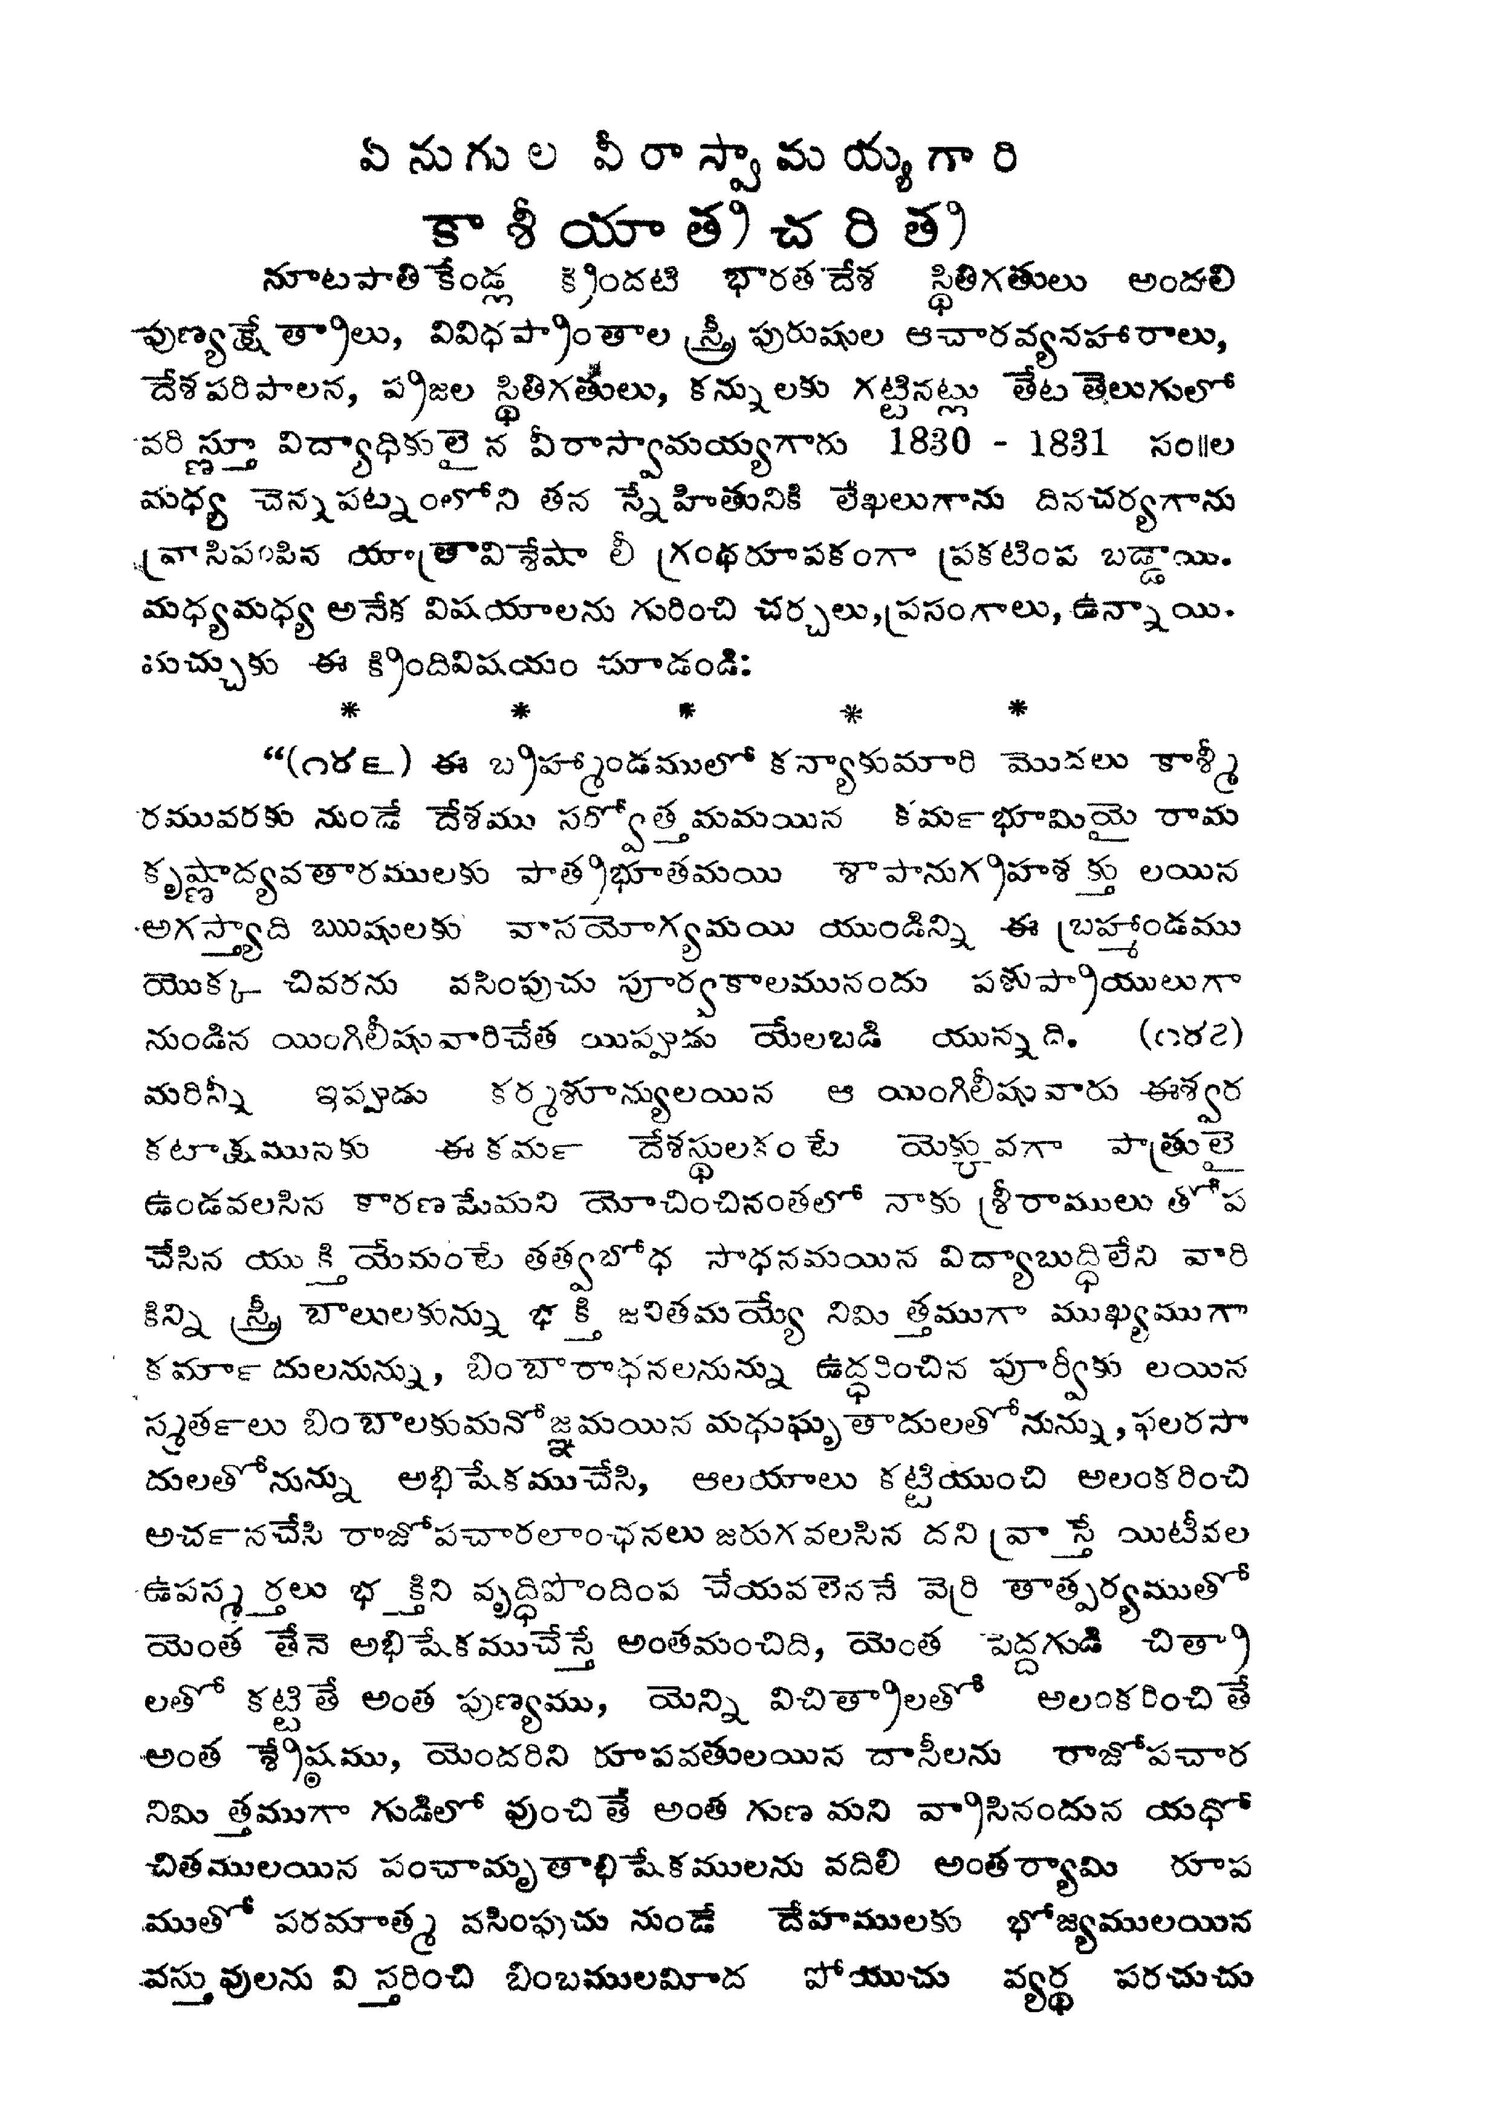నూటపాతికేండ్ల క్రిందటి భారతదేశ స్థితికగతులు అందలి పుణ్యక్షేత్రాలు, వివిధప్రాంతాల స్త్రీ పురుషుల ఆచారవ్యహారాలు, దేశపరిపాలన, ప్రజల స్థితిగతులు, కన్నులకు గట్టినట్లు తేట తెలుగులో వర్ణిస్తూ విద్యాధికులైన వీరాస్వామయ్యగారు 1830-1831 సం॥ల మధ్య చెన్నపట్నంలోని తన స్నేహితునికి లేఖలుగాను దినచర్యగాను వ్రాసిపంపిన యాత్రావిశేషా లీ గ్రంధరూపకంగా ప్రకటింప బడ్డాయి. 
మధ్యమధ్య అనేక విషయాలను గురించి చర్ఫలు, ప్రసంగాలు ఉన్నాయి. మచ్చుకు ఈ క్రిందివిషయం చూడండి.

"(146) ఈ బ్రహ్మాండములో కన్యాకుమారి మొదలు కాశ్మీరమువరకు నుండే దేశము సర్వోత్తమమయిన కర్మ భూమియయి శాపానుగ్రహశక్తులయిన అగస్త్యాది ఋషులకు వాసయోగ్యమయి యుండిన్నీ ఈ బ్రహ్మాండము యొక్క చివరను వసింపుచు పూర్ఫకాలమునందు పశుప్రాయులుగా నుండిన యింగిలీషువారిచేత యిప్పుడు యేలబడి యున్నది. (147) మరిన్నీ ఇప్పుడు కర్మశూన్యులయిన ఆ యింగిలీషువారు ఈశ్వర కటాక్షమునకు ఈ కర్మ దేశస్థులకంటే యెక్కువగా పాత్రులై ఉండవలసిన కారణమేమని యోచించినంతలో నాకు శ్రీరాములు తోపచేసిన యుక్తియేమంటే తత్వబోధ సాధనమయిన విద్యాబుద్ధిలేని వారికిన్ని స్త్రీ బాలులకున్ను భక్తి జనితమయ్యే నిమిత్తముగా ముఖ్యముగా కర్మాదులనున్ను, బింబారాధనలనున్ను ఉద్దరించిన పూర్వీకు లయిన స్మర్తలు బింబాలకుమనోజ్ఞమయిన మధుఘృతాదులతోనున్ను, 
ఫలరసాదులతోనున్ను అభిషేకముచేసి, ఆలయాలు కట్టియుంచి అలంకరించి ఉపస్మర్తలు భక్తిని వృద్ధిచేస్తే అంతమంచిది, యెంత పెద్దగుడి చిత్రాలతో కట్టితే అంత పుణ్యము , యెన్ని విచిత్రాలతో అలంకరించితే అంత శ్రేష్టము, యెందరిని రూపవంతులయిన దాసీలను రాజోపచార నిమిత్తముగా గుడిలో వుంచితే అంత గుణ మని వ్రాసినందున యధోచితములయిన పంచామృతాభిషేకములను వదిలి అంతర్యామి రూపముతో పరమాత్మ వసింపుచు నుండే దేహములకు భోజ్యములయిన వస్తువులను విస్తరించి బింబములమీద పోయుచు వ్యర్ధ పరచుచు